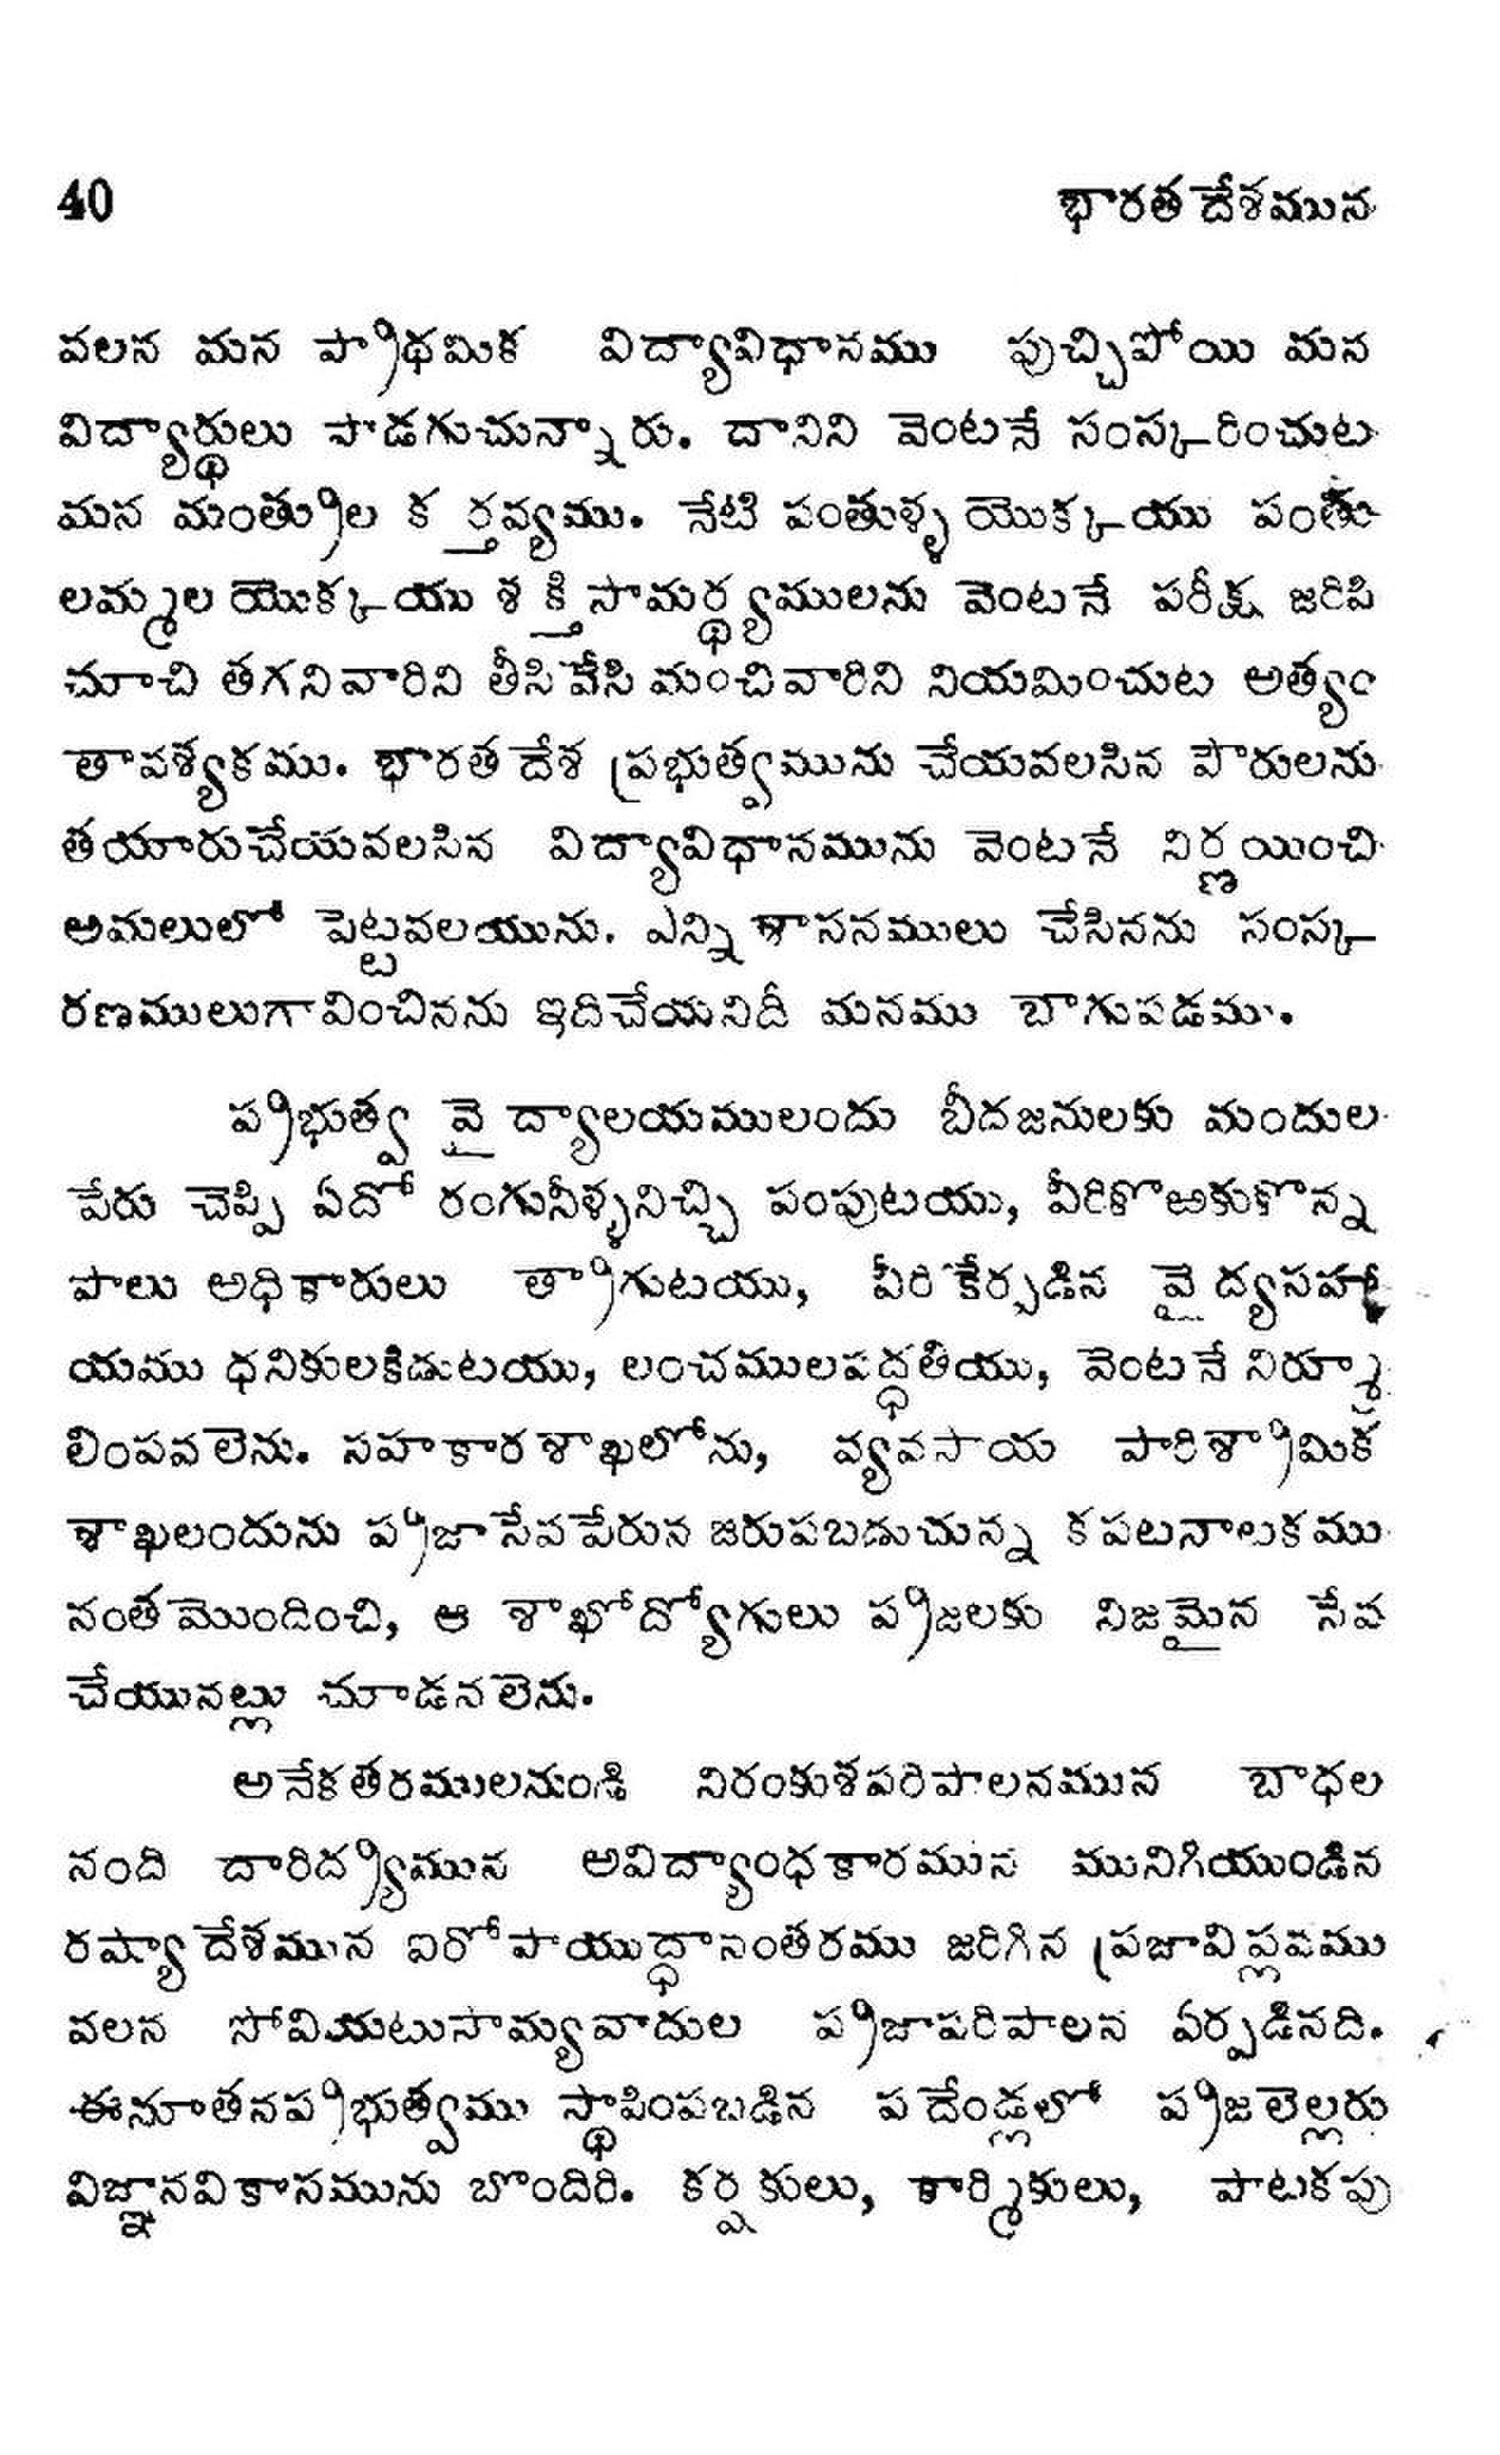వలన మన ప్రాథమిక విద్యావిధానము పుచ్చిపోయి మన విద్యార్థులు పాడగుచున్నారు. దానిని వెంటనే సంస్కరించుట మన మంత్రుల కర్తవ్యము. నేటి పంతుళ్ళ యొక్కయు పంతులమ్మలయొక్కయు శక్తి సామర్ధ్యములను వెంటనే పరీక్ష జరిపి చూచి తగనివారిని తీసివేసి మంచివారిని నియమించుట అత్యంతావశ్యకము. భారతదేశ ప్రభుత్వమును చేయవలసిన పౌరులను తయారుచేయవలసిన విద్యావిధానమును వెంటనే నిర్ణయించి అమలులో పెట్టవలయును. ఎన్ని శాసనములు చేసినను సంస్కరణములుగావించినను ఇదిచేయనిదీ మనము బాగుపడము.

ప్రభుత్వ వైద్యాలయములందు బీదజనులకు మందుల పేరు చెప్పి ఏదో రంగునీళ్ళనిచ్చి పంపుటయు, వీరికొఱకుకొన్న పాలు అధికారులు త్రాగుటయు, వీరికేర్పడిన వైద్యసహాయము ధనికులకిడుటయు, లంచములపద్దతియు, వెంటనే నిర్మూలింపవలెను. సహకారశాఖలోను, వ్యవసాయ పారిశ్రామిక శాఖలందును ప్రజాసేవపేరున జరుపబడుచున్న కపటనాటకము నంతమొందించి, ఆ శాఖోద్యోగులు ప్రజలకు నిజమైన సేవ చేయునట్లు చూడవలెను.

అనేకతరములనుండి నిరంకుశపరిపాలనమున బాధల నంది దారిద్ర్యమున అవిద్యాంధకారమున మునిగియుండిన రష్యాదేశమున ఐరోపాయుద్ధానంతరము జరిగిన ప్రజావిప్లపము వలన సోవియటుసామ్యవాదుల ప్రజాపరిపాలన ఏర్పడినది. ఈనూతనప్రభుత్వము స్థాపింపబడిన పదేండ్లలో ప్రజలెల్లరు విజ్ఞానవికాసమును బొందిరి. కర్షకులు, కార్మికులు, పాటకపు